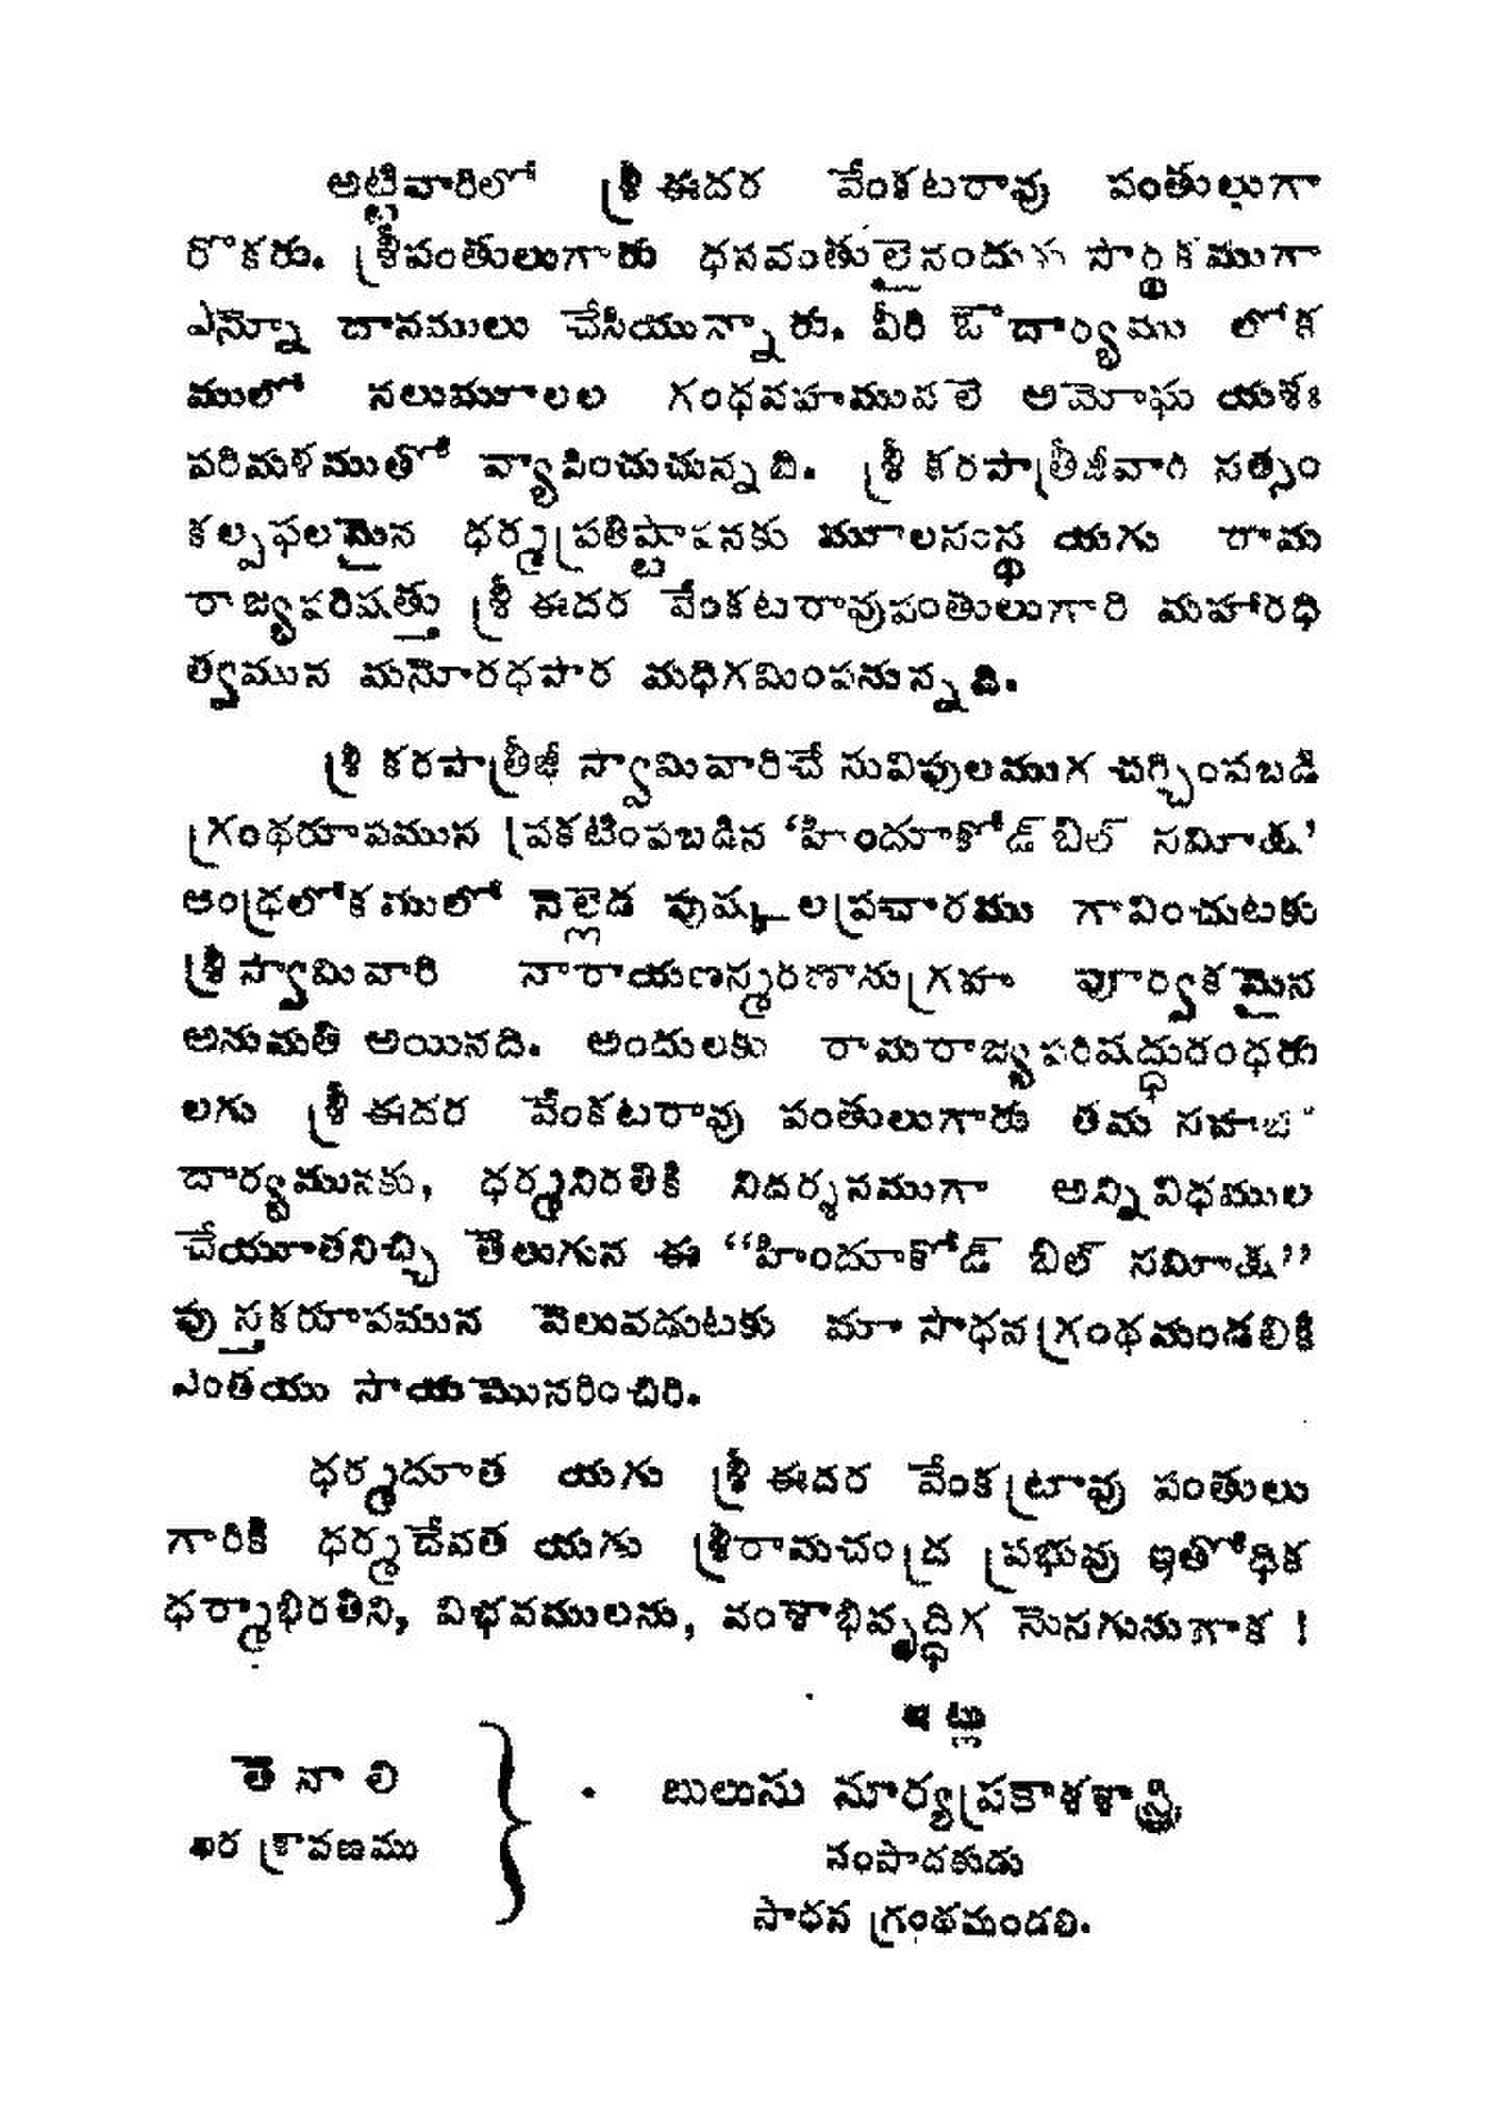అట్టివారిలో శ్రీ ఈదర వేంకటరావు వంతులుగా
రొకరు. శ్రీవంతులుగారు ధనవంతులైనందుకు సార్లకముగా
ఎన్నూ దానములు చేసియున్నారు. వీరి ఔదార్యము లోక
ములో నలుమూలల గంధవహమువలె అమోఘ యశః
పరిమళముతో వ్యాపించుచున్నది. శ్రీ కరపాత్రీజీవారి సత్సం
కల్పఫలమైన ధర్మప్రతిష్టాపనకు మూలసంస్థ యగు రామ
రాజ్యపరిషత్తు శ్రీ ఈదర వేంకటరావు పంతులుగారి మహారధి
త్వమున మనొ ధపార మధిగమింపనున్నది

శ్రీ కరపత్రీజీ స్వామివారిచే సువిపులముగ చర్చింపబడి
గ్రంథరూపమున ప్రకటింపబడిన 'హిందూకోడ్ బిల్ సమీక్ష'
ఆంధ్రలోకములో నైల్లెడ పుష్కల ప్రచారము గావించుటకు
శ్రీ స్వామివారి నారాయణస్మరణానుగ్రహ పూర్వకమైన
అనుమతి అయినది. అందులకు రామరాజ్యపరిషద్ధురంధరు
లగు శ్రీ ఈదర వేంకటరావు పంతులుగారు తమ సహజ
చార్యమునకు, ధర్మనిరతికి నిదర్శనముగా అన్ని విధముల
చేయూతనిచ్చి తెలుగున ఈ "హిందూకోడ్ బిల్ సమీక్ష"
పుస్తకరూపమున వెలువడుటకు మా సాధన గ్రంథమండలికి
ఎంతయు సాయమొనరించిరి.
ధర్మదూత యగు శ్రీ ఈదర వెంకట్రావు పంతులు
గారికి ధర్మదేవత యగు శ్రీరామచంద్ర ప్రభువు ఇతోధిక
ధర్మాభిరతిని, విభవములను, వంశాభివృద్ధిగ ననగునుగాక !

తెనాలి
ఖర శ్రావణము